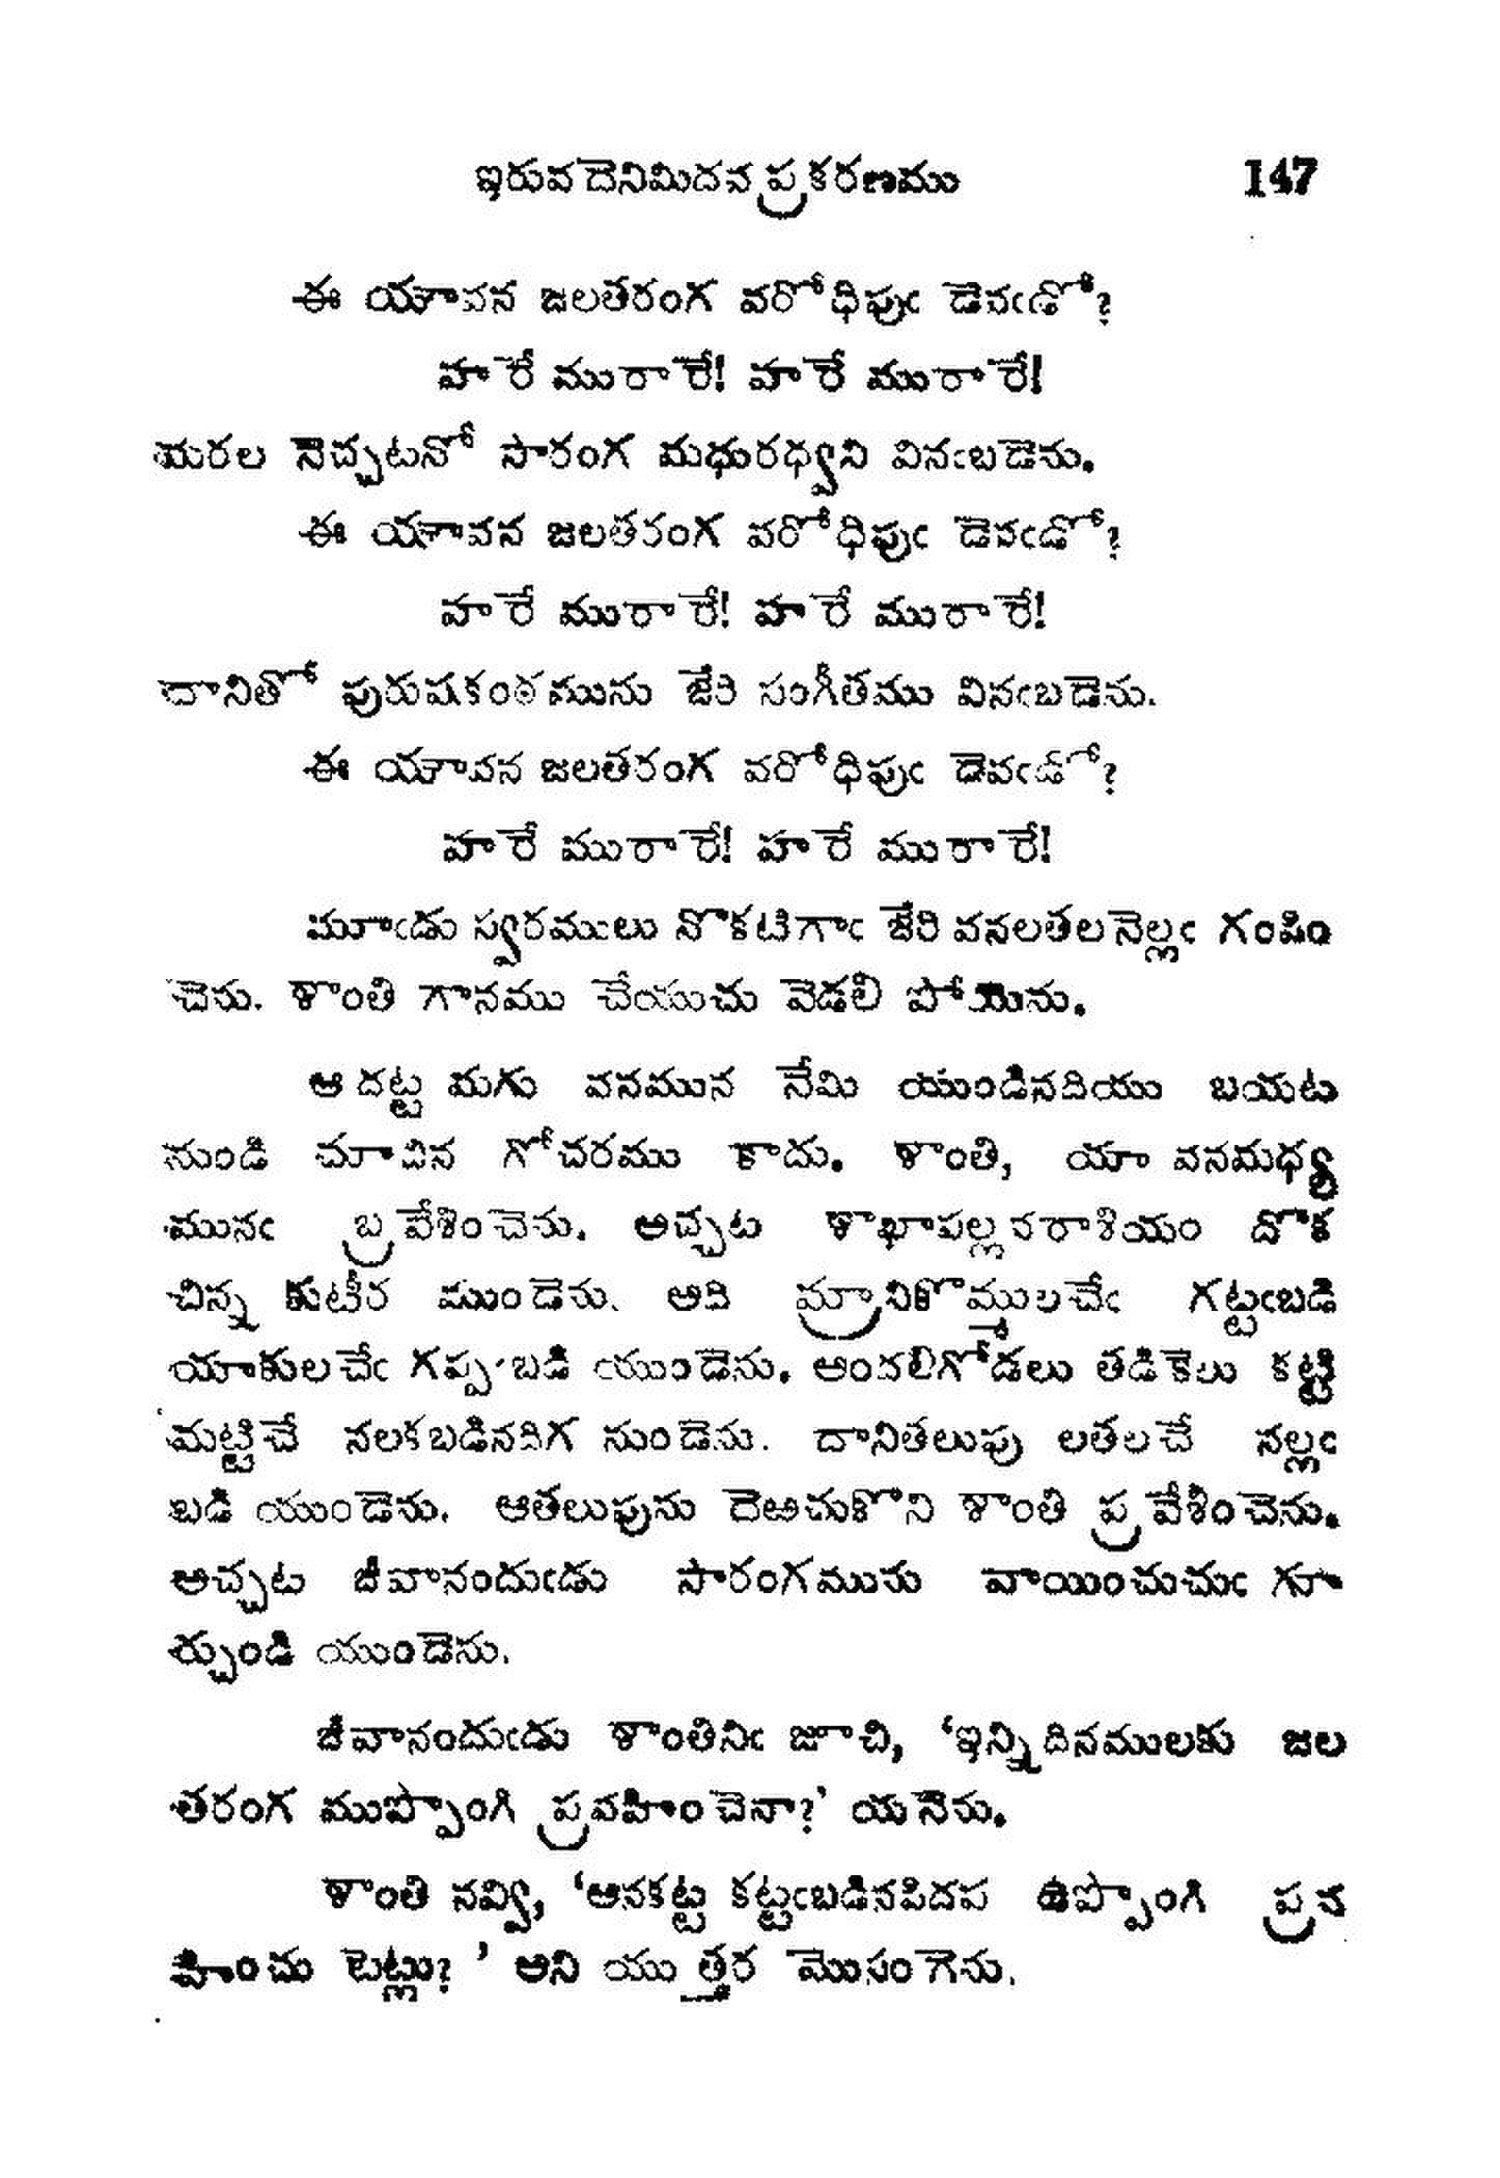ఈ యావన జలతరంగ వరోధిపుఁ డెవఁడో?
 హరే మురారే! హరే మురారే!
మరల నెచ్చటనో సారంగ మధురధ్వని వినఁబడెను,
 ఈ యౌవన జలతరంగ వరోధిపుఁ డెవఁడో?
 హరే మురారే! హరే మురారే!
దానితో పురుషకంఠమును జేరి సంగీతము వినఁబడెను.
 ఈ యౌవన జలతరంగ వరోధిపుఁ డెవఁడో?
 హరే మురారే! హరే మురారే!

మూడు స్వరములు నొకటిగాఁ జేరి వనలతల నెల్లఁ గంపించెను. శాంతి గానము చేయుచు వెడలి పోయెను.

ఆ దట్ట మగు వనమున నేమి యుండినదియు బయట నుండి చూచిన గోచరము కాదు. శాంతి, యా వనమధ్యమునఁ
బ్రవేశించెను. అచ్చట శాఖాపల్లవరాశియం దొక చిన్న కుటీర ముండెను. అది మ్రానికొమ్ములచేఁ గట్టఁబడి యాకులచేఁ గప్ప బడి యుండెను. అందలిగోడలు తడికెలు కట్టి మట్టిచే నలక బడినదిగ నుండెను. దానితలుపు లతలచే నల్లంబడి యుండెను. ఆతలుపును దెఱచుకొని శాంతి ప్రవేశించెను. అచ్చట జీవానందుఁడు సారంగమును వాయించుచుఁ గూర్చుండి యుండెను.

జీవానందుఁడు శాంతినిఁ జూచి, 'ఇన్ని దినములకు జల తరంగ ముప్పొంగి ప్రవహించెనా?' యనెను.

శాంతి నవ్వి, 'ఆనకట్ట కట్టఁబడినపిదప ఉప్పొంగి ప్రవహించు టెట్లు? ' అని యుత్తర మొసంగెను,